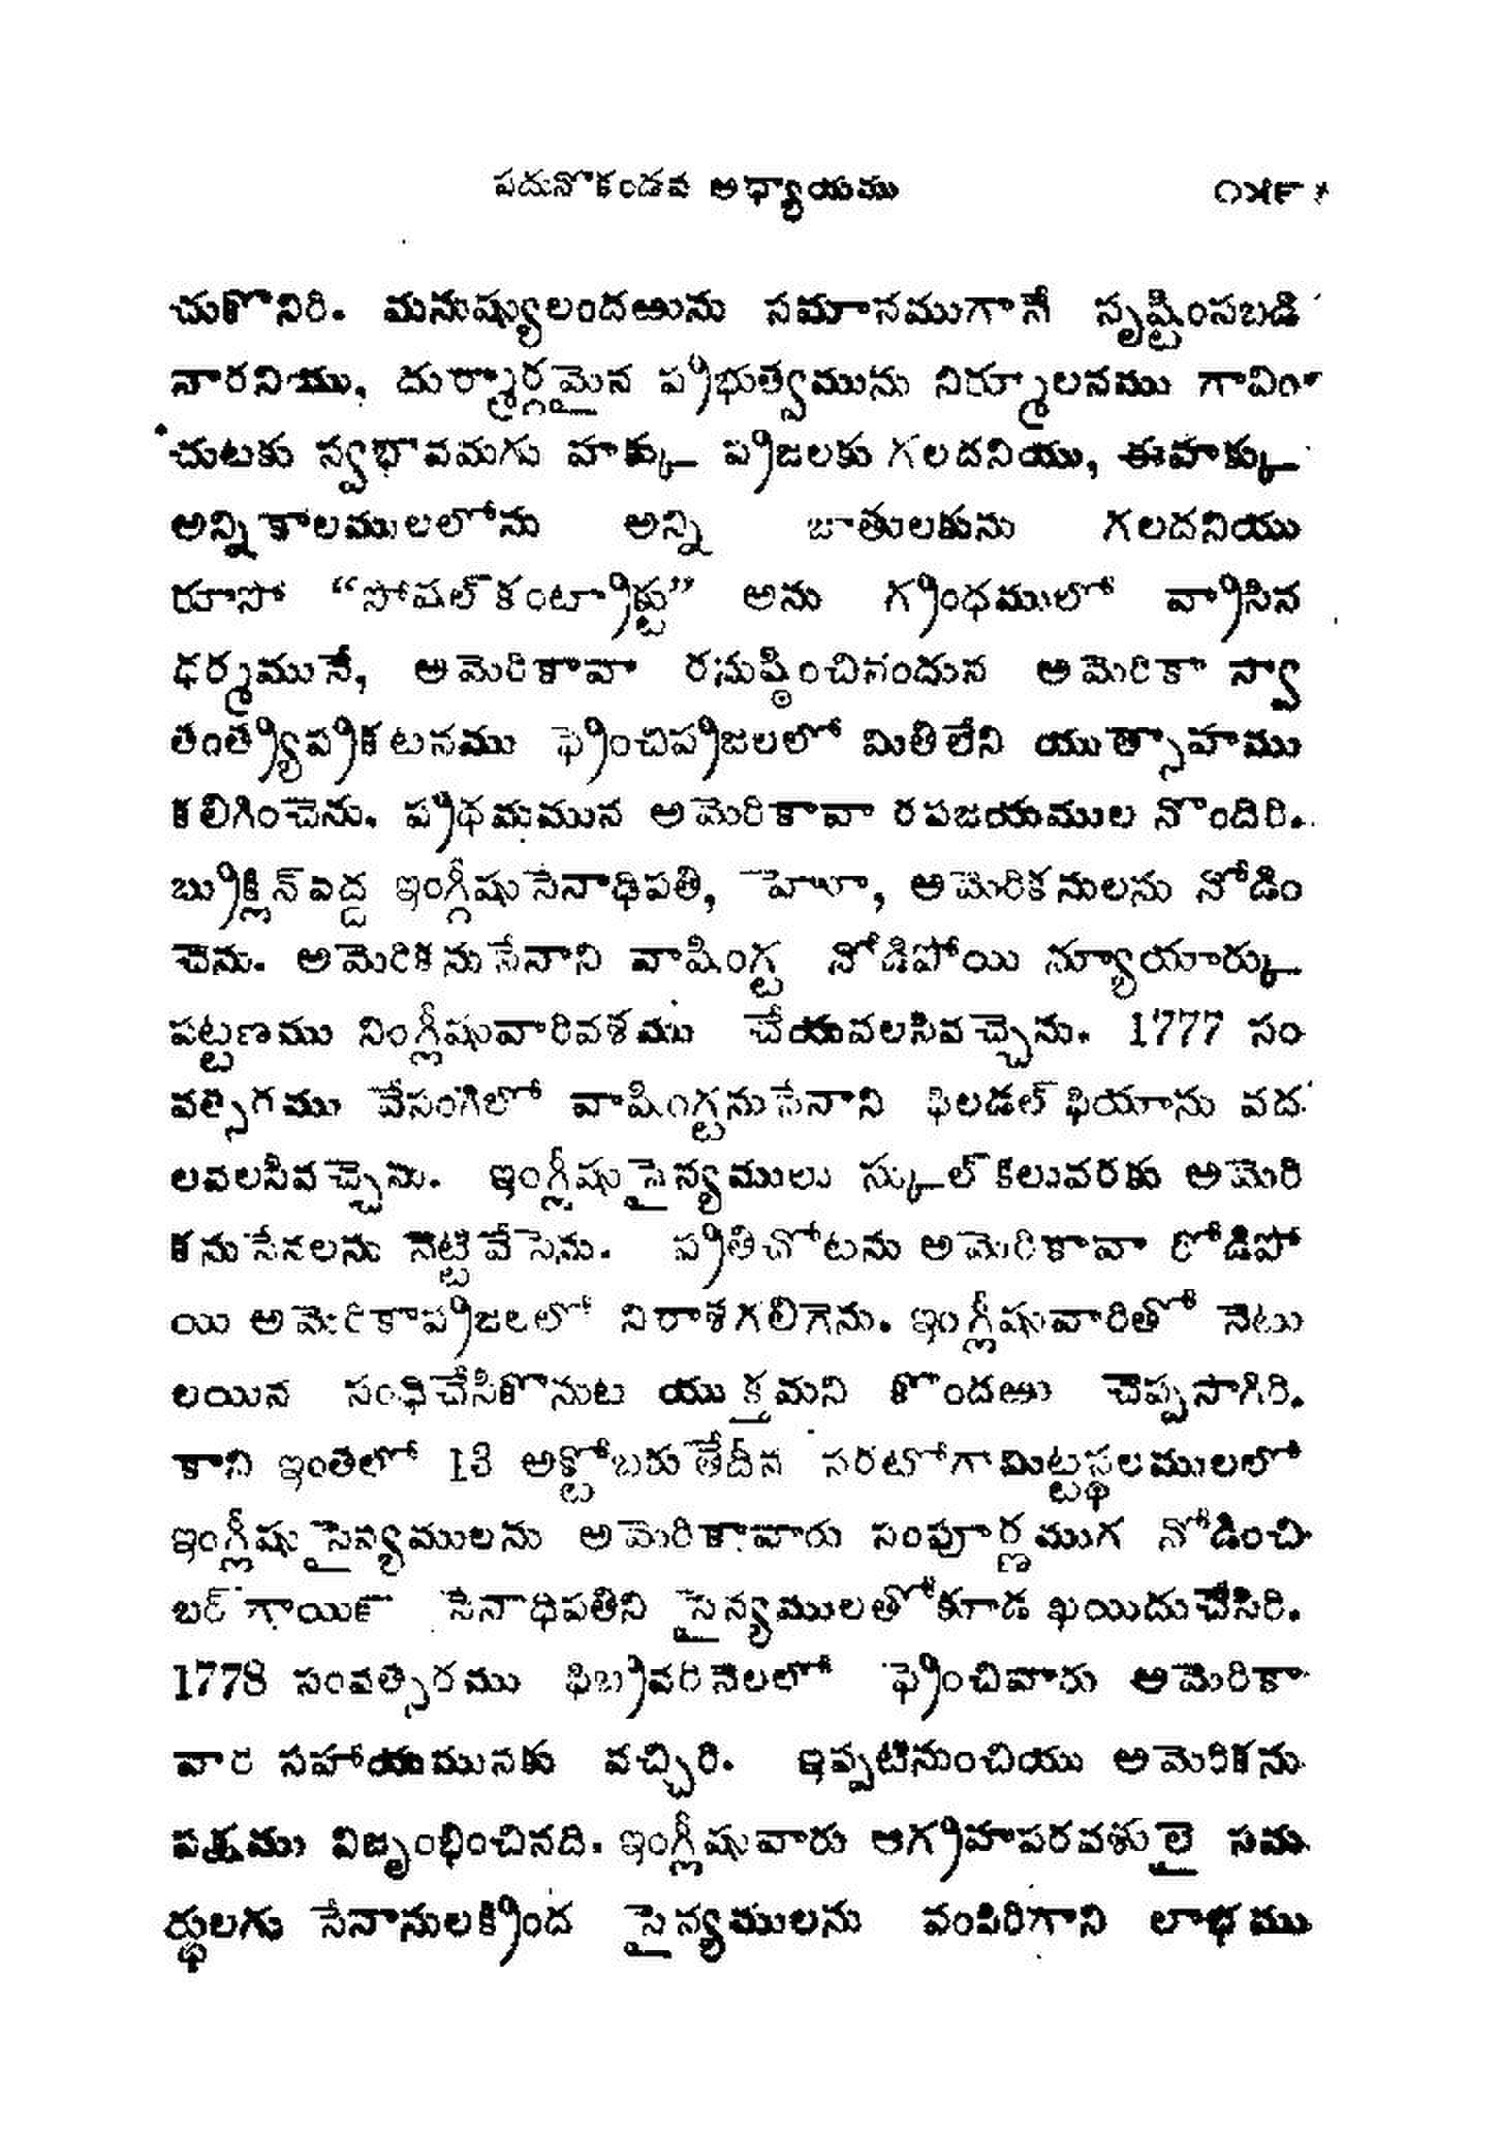చుకొనిరి. మనుష్యులందఱును సమానముగానే సృష్టింసబడి 
నారనియు, దుర్మార్గమైన ప్రభుత్వమును నిర్మూలనము గావిం
చుటకు స్వభావమగు హక్కు ప్రజలకు గలదనియు, ఈహక్కు
అన్ని కాలములలోను అన్ని జాతులకును గలదనియు
రూసో "సోషల్ కంటాక్టు" అను గ్రంధములో వాసిన
ధర్మము నే, అమెరివావా రసుష్ఠించినందున అమెరికా
స్వాతంత్య ప్రకటనము ఫ్రెంచిప్రజలలో మితి లేని యుత్సాహము
కలిగించెను. ప్రధమమున అమెరికావా రపజయముల నొందిరి..
బ్రక్లిన్ వద్ద ఇంగ్లీషు సేనాధిపతి, హెూ, అమెరిక సులను నోడిం
చెను. అమెరికను సేనానీ వాషింగ్ట నోడిపోయి న్యూయార్కు
పట్టణము నింగ్లీషువారీవశము చేయవలసివచ్చెను. 1777 సం
వత్సగము వేసంగిలో వాషింగ్టను సేనాని ఫిలడల్ ఫియాను వద
లవలసివచ్చెను. ఇంగ్లీషు సైన్యములు స్కుల్ కలువరకు అమెరి
కను సేనలను నెట్టి వేసెను. ప్రతిచోటను అమెరికా వా రోడిపో
యి అమెరికా ప్రజలలో నిరాశగలిగెను. ఇంగ్లీషు వారితో నెటు
లయిన సంధి చేసికొనుట యుక్తమని కొందఱు చెప్పసాగిరి.
కాని ఇంతలో 18 అక్టోబుకు తేదీన సరటోగా మిట్టస్థలములలో
ఇంగ్లీషు సైన్యములను అమెరికా వారు సంపూర్ణముగ నోడించి
బర్ గాయిన్" సేనాధిపతిని సైన్యములతోకూడ ఖయిదుచేసిరి.
1778 సంవత్సరము ఫిబ్రవరి నెలలో ఫ్రెంచిపోరు. అమెరికా
వారి సహాయమునకు వచ్చిరి. ఇప్పటి నుంచియు అమెరికను
పక్షము విజృంభించినది. ఇంగ్లీషు వారు ఆగ్రహపరవశులై సమ
ర్థులగు సేనాసుల కింద సైన్యములను వంపిరిగాని లాభము